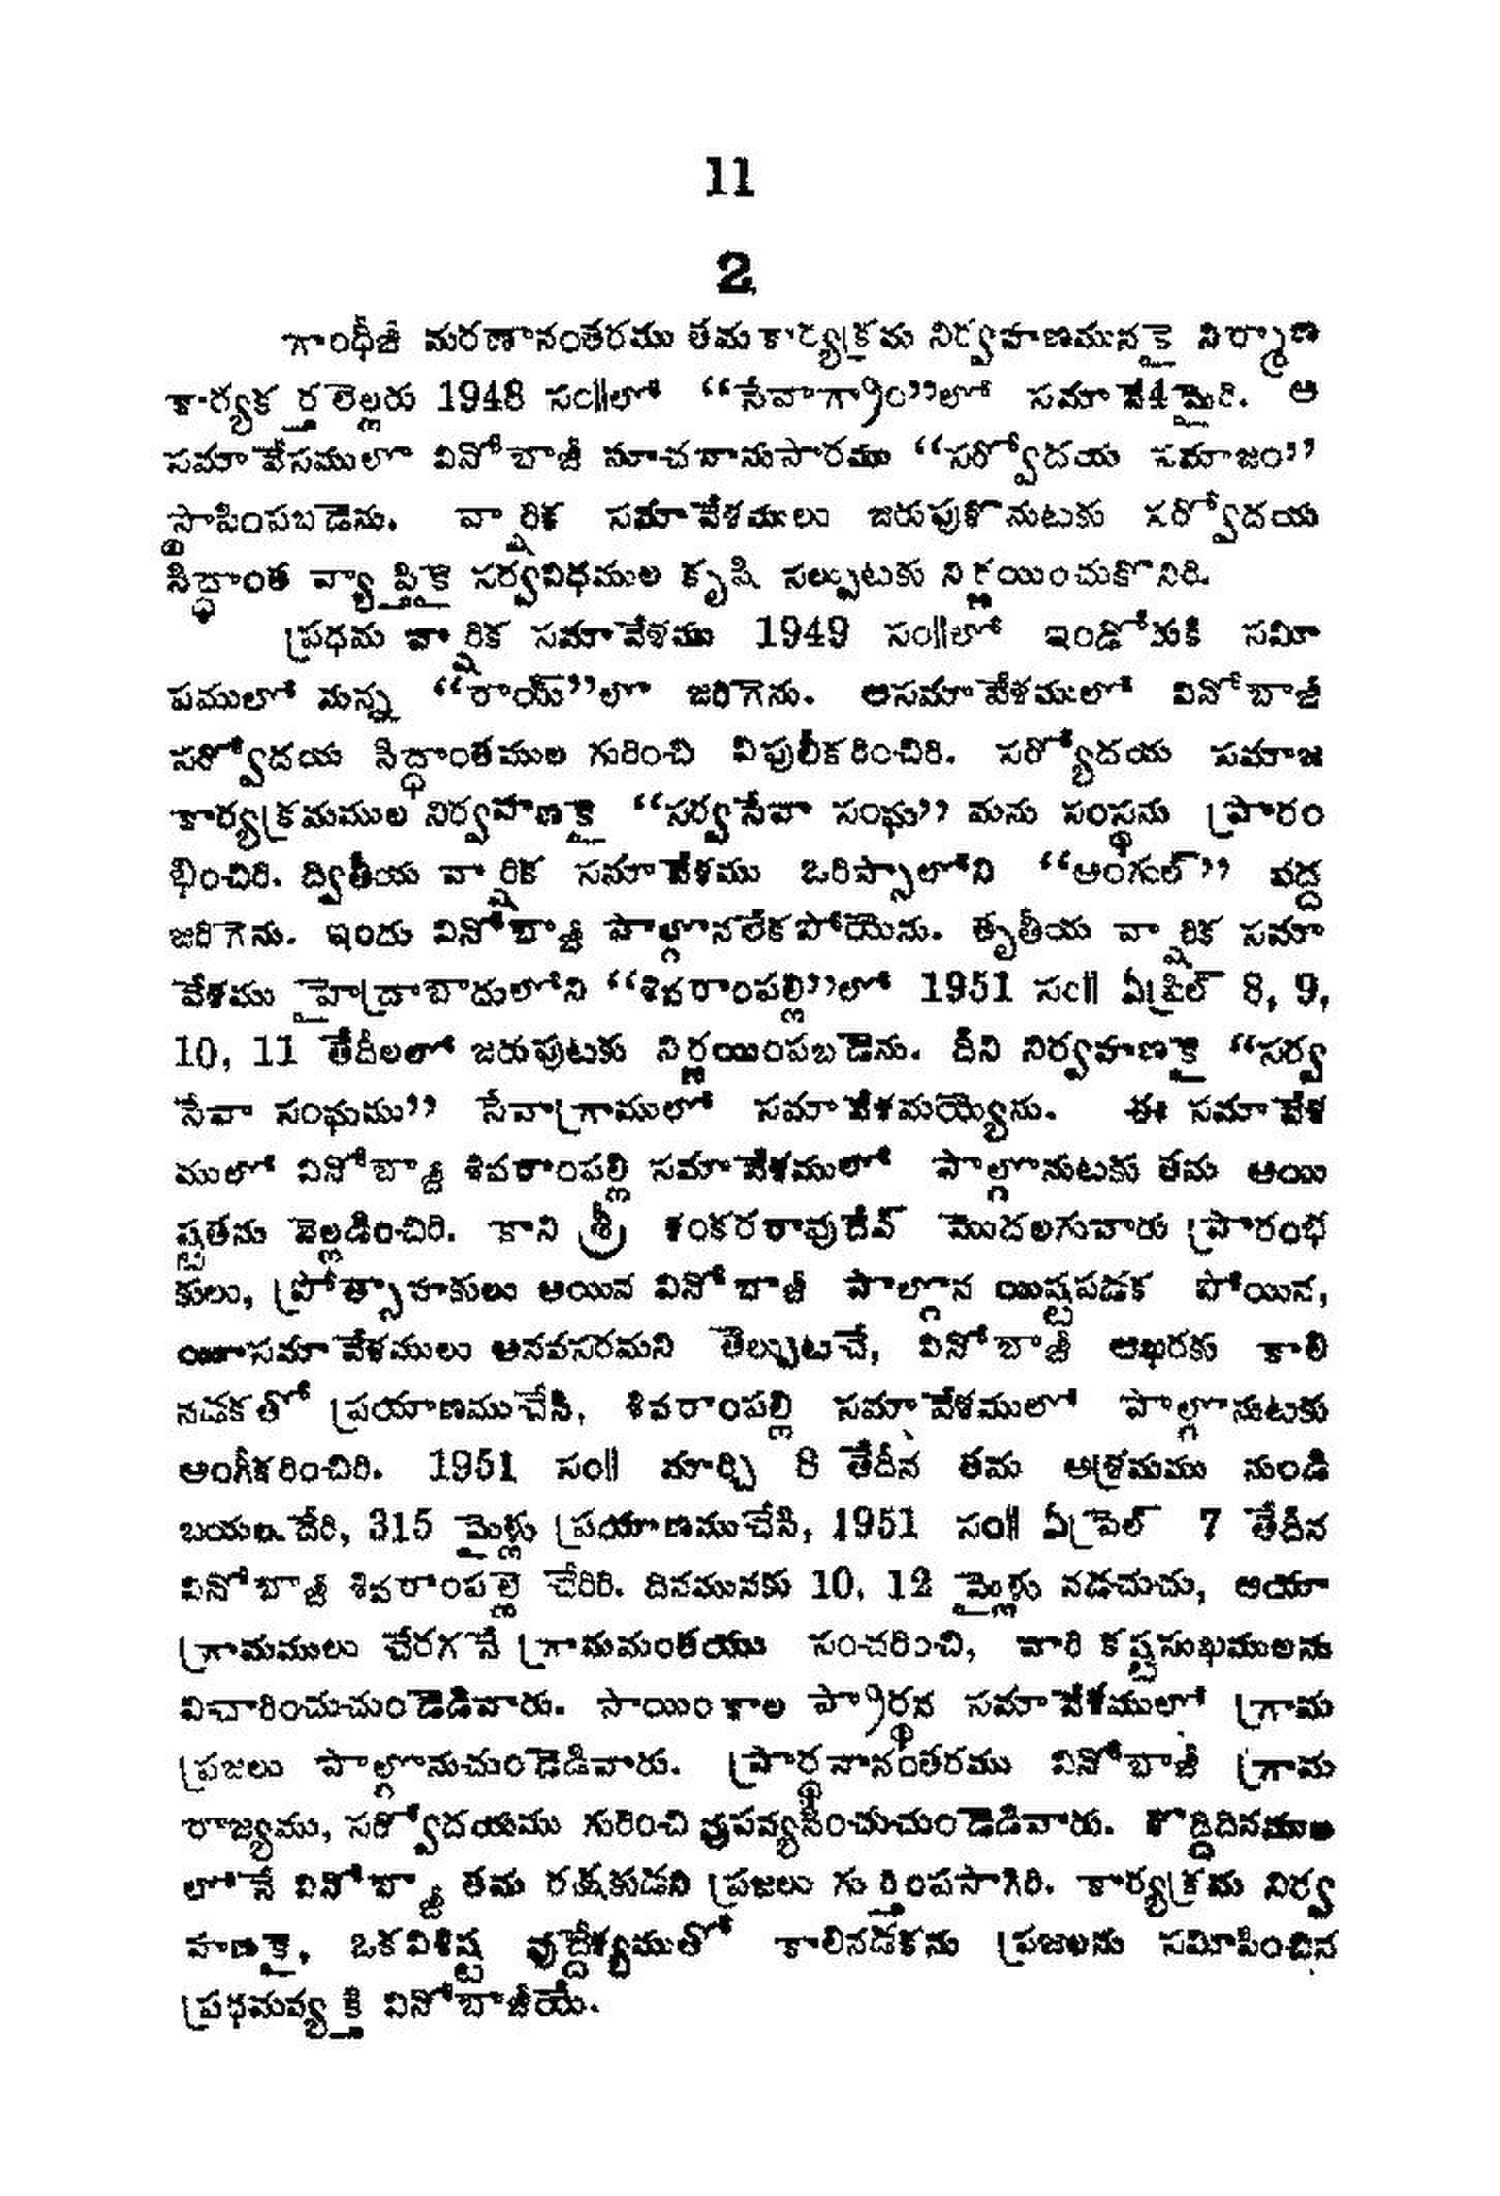2

గాంధీజీ మరణానంతరము తమకార్యక్రమ నిర్వహణమునకె నిర్మాణ కార్యకర్తలెల్లరు 1948 సం||లో "సేవాగ్రాం"లో సమావేశమైరి. ఆ సమావేసములో వినోబాజీ సూచనానుసారము “సర్వోదయ సమాజం" స్థాపింపబడెను. వార్షిక సమావేశములు జరుపుకొనుటకు సర్వోదయ సిద్ధాంత వ్యాప్తికై సర్వవిధముల కృషి సల్పుటకు నిర్ణయించుకొనిరి.

ప్రధమ వార్షిక సమావేశము 1949 సం||లో ఇండోరుకి సమీపములో నున్న "రాయ్”లో జరిగెను. అసమావేశములో వినోబాజీ సర్వోదయ సిద్ధాంతముల గురించి విపులీకరించిరి. సర్యోదయ సమాజ కార్యక్రమముల నిర్వహణకై "సర్వసేవా సంఘ" మను సంస్థను ప్రారంభించిరి. ద్వితీయ వార్షిక సమావేశము ఒరిస్సాలోని "ఆంగుల్" వద్ద జరిగెను. ఇందు వినోబాజీ పాల్గొనలేకపోయెను. తృతీయ వార్షిక సమావేశము హైద్రాబాదులోని "శివరాంపల్లి"లో 1951 సం|| ఏప్రిల్ 8, 9, 10, 11 తేదీలలో జరుపుటకు నిర్ణయింపబడెను. దీని నిర్వహణకై "సర్వసేవా సంఘము" సేవాగ్రాములో సమావేశమయ్యెను. ఈ సమావేశములో వినోబాజీ శివరాంపల్లి సమావేశములో పాల్గొనుటకు తమ ఆయిష్టతను వెల్లడించిరి. కాని శ్రీ శంకరరావుదేవ్ మొదలగువారు ప్రారంభకులు, ప్రోత్సాహకులు అయిన వినోబాజీ పొల్గొన యిష్టపడక పోయిన, యీసమావేశములు ఆనవసరమని తెల్పుటచే, వినోబాజీ ఆఖరకు కాలి నడకతో ప్రయాణముచేసి, శివరాంపల్లి సమావేశములో పాల్గొనుటకు అంగీకరించిరి. 1951 సం|| మార్చి 8 తేదీన తమ ఆశ్రమము నుండి బయలుదేరి, 315 మైళ్లు ప్రయాణముచేసి, 1951 సం|| ఏప్రెల్ 7 తేదీన వినోబాజీ శివరాంపల్లె చేరిరి. దినమునకు 10, 12 మైళ్లు నడచుచు, ఆయా గ్రామములు చేరగనే గ్రామమంతయు సంచరించి, వారి కష్టసుఖములను విచారించుచుండెడివారు. సాయింకాల ప్రార్థన సమావేశములో గ్రామ ప్రజలు పాల్గొనుచుండెడివారు. ప్రార్థనానంతరము వినోబాజీ గ్రామ రాజ్యము, సర్వోదయము గురించి వుపన్యసించుచుండెడివారు. కొద్దిదినములలోనే వినోబాజీ తమ రక్షకుడని ప్రజలు గుర్తింపసాగిరి. కార్యక్రమ నిర్వహణకై, ఒకవిశిష్ట వుద్దేశ్యముతో కాలినడకను ప్రజలను సమీపించిన ప్రధమవ్యక్తి వినోబాజీయే.